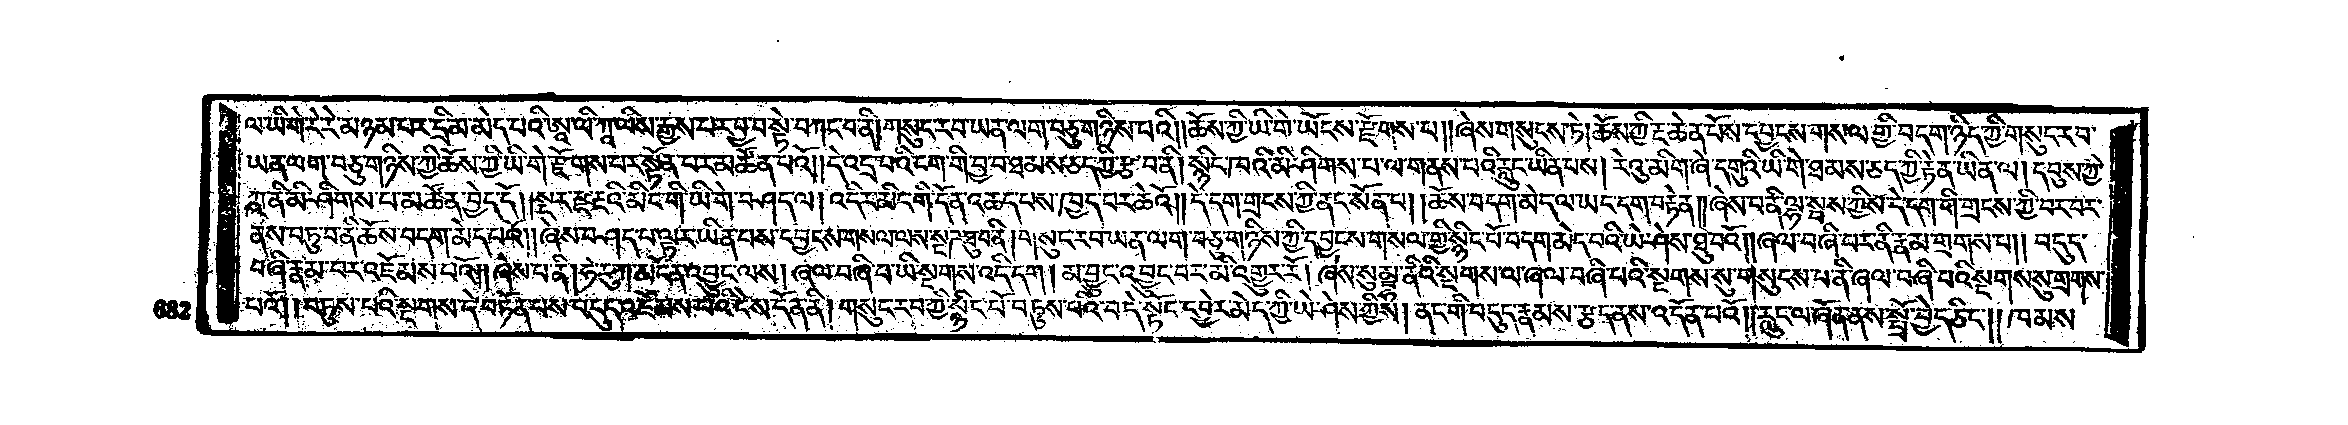ལ་ཡི་གེ་རེ་རེ་མཉམ་པར་དྲི་མ་མེད་པའི་ཨཱ་ལི་ཀཱ་ལིས་རྒྱས་པར་བྱ་བ་སྟེ་བཀང་བ་ནི། གསུང་རབ་ཡན་ལག་བཅུ་གཉིས་པའི། །ཆོས་ཀྱི་ཡི་གེ་ཡོངས་རྫོགས་པ། །ཞེས་གསུངས་ཏེ། ཆོས་ཀྱི་རྔ་ཆེན་པོས་དབྱངས་གསལ་གྱི་བདག་ཉིད་ཀྱི་གསུང་རབ་
ཡན་ལག་བཅུ་གཉིས་ཀྱི་ཆོས་ཀྱི་ཡི་གེ་རྫོགས་པར་སྟོན་པར་མཚོན་པའོ། །དེ་འདྲ་བའི་ངག་གི་བྱ་བ་ཐམས་ཅད་ཀྱི་རྩ་བ་ནི། སྙིང་ཁའི་མི་ཤིགས་པ་ལ་གནས་པའི་རླུང་ཡིན་པས། རེའུ་མིག་ཞེ་དགུའི་ཡི་གེ་ཐམས་ཅད་ཀྱི་རྟེན་ཡིན་ལ། དབུས་ཀྱི་
ཀྵ་ནི་མི་ཤིགས་པ་མཚོན་བྱེད་དོ། །སྔར་རྫ་རྔའི་མིང་གི་ཡི་གེ་བཤད་ལ། འདིར་མིང་གི་དོན་འཆད་པས་ཁྱད་པར་ཆེའོ། །དེ་དག་གྲངས་ཀྱི་ནང་སོན་པ། །ཆོས་བདག་མེད་ལ་ཡང་དག་བརྟེན། །ཞེས་པ་ནི་ལྷ་སྦས་ཀྱིས་དེ་དག་གི་གྲངས་ཀྱི་བར་བར་
ནས་བཏུ་བ་ནི་ཆོས་བདག་མེད་པའོ། །ཞེས་བཤད་པ་ལྟར་ཡིན་པས་དབྱངས་གསལ་ལས་སྔགས་ཐུ་བ་ནི། གསུང་རབ་ཡན་ལག་བཅུ་གཉིས་ཀྱི་དབྱངས་གསལ་གྱི་སྙིང་པོ་བདག་མེད་པའི་ཡེ་ཤེས་ཐུ་བའོ། །ཞལ་བཞི་པར་ནི་རྣམ་གྲགས་པ། །བདུད་
བཞི་རྣམ་པར་འཇོམས་པའོ། །ཞེས་པ་ནི། ཧེ་རུ་ཀ་མངོན་འབྱུང་ལས། ཞལ་བཞི་པ་ཡི་སྔགས་འདི་དག། མ་བྱུང་འབྱུང་བར་མི་འགྱུར་རོ། ཞེས་སུམྦྷ་ནིའི་སྔགས་ལ་ཞལ་བཞི་པའི་སྔགས་སུ་གསུངས་པ་ནི་ཞལ་བཞི་པའི་སྔགས་སུ་གྲགས་
པའོ། །བཏུས་པའི་སྔགས་དེ་བཏོན་པས་བདུད་འཇོམས་པའི་ངེས་དོན་ནི། གསུང་རབ་ཀྱི་སྙིང་པོ་བཏུས་པའི་བདེ་སྟོང་དབྱེར་མེད་ཀྱི་ཡེ་ཤེས་ཀྱིས། ནང་གི་བདུད་རྣམས་རྩད་ནས་འདོན་པའོ། །རླུང་ལ་ཞོན་ནས་སྤྲོ་བྱེད་ཅིང་། །ཁམས་